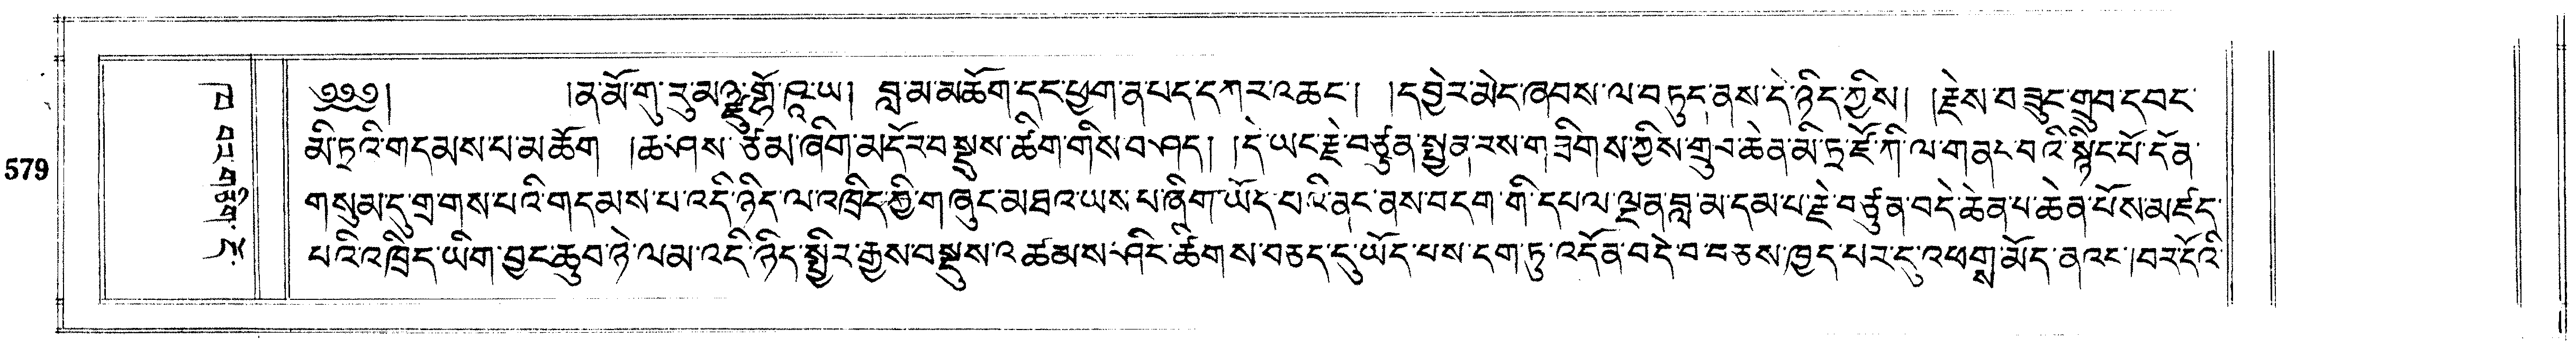༄༅༅། །ན་མོ་གུ་རུ་མཉྫུ་གྷོ་ཥཱ་ཡ། བླ་མ་མཆོག་དང་ཕྱག་ན་པད་དཀར་འཆང་། །དབྱེར་མེད་ཞབས་ལ་བཏུད་ནས་དེ་ཉིད་ཀྱིས། །རྗེས་བཟུང་གྲུབ་དབང་
མི་ཏྲའི་གདམས་པ་མཆོག །ཆ་ཤས་ཙམ་ཞིག་མདོར་བསྡུས་ཚིག་གིས་བཤད། །དེ་ཡང་རྗེ་བཙུན་སྤྱན་རས་གཟིགས་ཀྱིས་གྲུབ་ཆེན་མི་ཏྲ་ཛོ་ཀི་ལ་གནང་བའི་སྙིང་པོ་དོན་
གསུམ་དུ་གྲགས་པའི་གདམས་པ་འདི་ཉིད་ལ་འཁྲིད་ཀྱི་གཞུང་མཐའ་ཡས་པ་ཞིག་ཡོད་པའི་ནང་ནས་བདག་གི་དཔལ་ལྡན་བླ་མ་དམ་པ་རྗེ་བཙུན་བདེ་ཆེན་པ་ཆེན་པོས་མཛད་
པའི་འཁྲིད་ཡིག་བྱང་ཆུབ་ཉེ་ལམ་འདི་ཉིད་སྤྱིར་རྒྱས་བསྡུས་འཚམས་ཤིང་ཚིགས་བཅད་དུ་ཡོད་པས་དག་ཏུ་འདོན་བདེ་བ་བཅས་ཁྱད་པར་དུ་འཕགས་མོད་ནའང་། བར་དོའི་